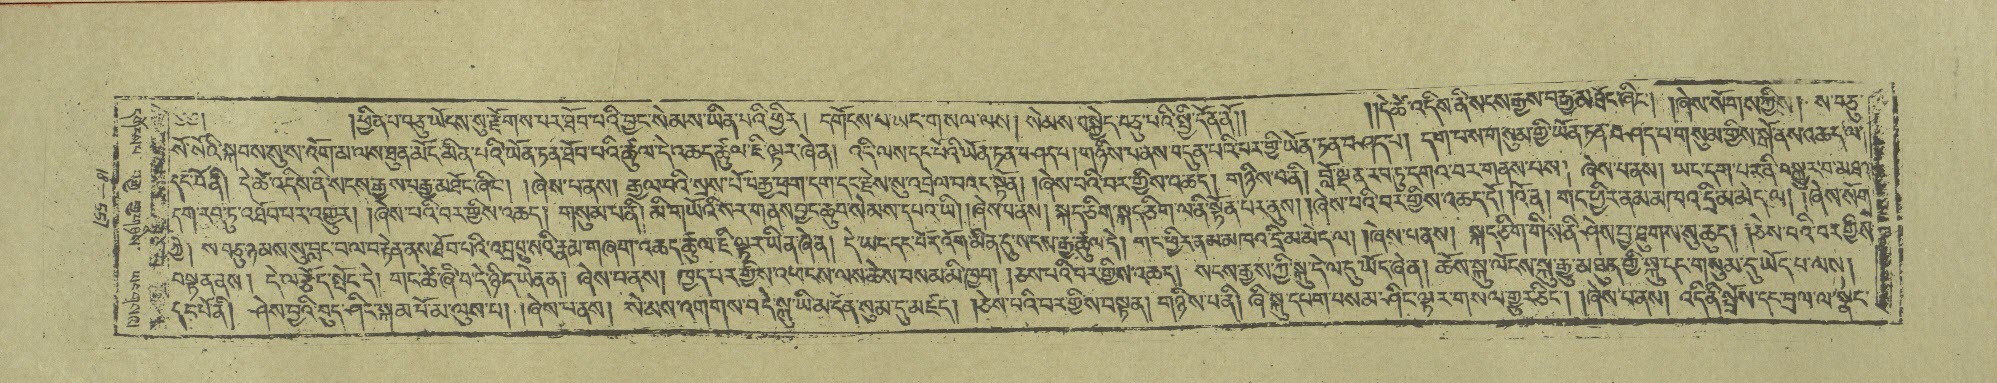༄༅། །ཕྱིན་པ་བཅུ་ཡོངས་སུ་རྫོགས་པར་ཐོབ་པའི་བྱང་སེམས་ཡིན་པའི་ཕྱིར། དགོངས་པ་ཡང་གསལ་ལས། སེམས་བསྐྱེད་བཅུ་པའི་སྤྱི་དོན་ནོ།། །།དེ་ཚེ་འདིས་ནི་སངས་རྒྱས་བརྒྱ་མཐོང་ཞིང་། །ཞེས་སོགས་ཀྱིས། ས་བཅུ་
སོ་སོའི་སྐབས་སུ་ས་འོག་མ་ལས་ཐུན་མོང་མིན་པའི་ཡོན་ཏན་ཐོབ་པའི་ཚུལ་དེ་འཆད་ཚུལ་ཇི་ལྟར་ཞེ་ན། འདི་ལས་དང་པོའི་ཡོན་ཏན་བཤད་པ། གཉིས་པ་ནས་བདུན་པའི་བར་གྱི་ཡོན་ཏན་བཤད་པ། དག་པས་གསུམ་གྱི་ཡོན་ཏན་བཤད་པ་གསུམ་གྱིས་སྒོ་ནས་འཆད་ལ།
དང་པོ་ནི། དེ་ཚེ་འདིས་ནི་སངས་རྒྱས་བརྒྱ་མཐོང་ཞིང་། །ཞེས་པ་ནས། རྒྱལ་བའི་སྲས་པོ་བརྒྱ་ཕྲག་དག་དང་རྗེས་སུ་འབྲེལ་བའང་སྟོན། །ཞེས་པའི་བར་གྱིས་འཆད། གཉིས་པ་ནི། བློ་ལྡན་རབ་ཏུ་དགའ་བར་གནས་པས། ཞེས་པ་ནས། ཡང་དག་པར་ནི་བསྒྱུར་བ་མཐའ་
དག་རབ་ཏུ་འཐོབ་པར་འགྱུར། །ཞེས་པའི་བར་གྱིས་འཆད། གསུམ་པ་ནི། མི་གཡོའི་སར་གནས་བྱང་ཆུབ་སེམས་དཔའ་ཡི། །ཞེས་པ་ནས། སྐད་ཅིག་སྐད་ཅིག་ལ་ནི་སྟོན་པར་ནུས། །ཞེས་པའི་བར་གྱིས་འཆད་དོ། །འོ་ན། གང་ཕྱིར་ནམ་མཁའ་དྲི་མ་མེད་ལ། །ཞེས་སོགས་
ཀྱི། ས་བཅུ་ཉམས་སུ་བླང་བ་ལ་བརྟེན་ནས་ཐོབ་པའི་འབྲས་བུ་སའི་རྣམ་གཞག་འཆད་ཚུལ་ཇི་ལྟར་ཡིན་ཞེ་ན། དེ་ཡང་དང་པོར་འོག་མིན་དུ་སངས་རྒྱ་ཚུལ་དེ། གང་ཕྱིར་ནམ་མཁའ་དྲི་མ་མེད་ལ། །ཞེས་པ་ནས། སྐད་ཅིག་གིས་ནི་ཤེས་བྱ་ཐུགས་སུ་ཆུད། །ཅེས་པའི་བར་གྱིས་
བསྟན་ནས། དེ་ལ་རྩོད་སྤོང་དེ། གང་ཚེ་ཞི་བ་དེ་ཉིད་ཡིན་ན། ཞེས་པ་ནས། ཁྱད་པར་གྱིས་འཕངས་ལས་ཆེས་བསམ་མི་ཁྱབ། །ཅེས་པའི་བར་གྱིས་འཆད། སངས་རྒྱས་ཀྱི་སྐུ་དེ་ལ་དུ་ཡོད་ཞེ་ན། ཆོས་སྐུ་ལོངས་སྐུ་རྒྱུ་མཐུན་གྱི་སྐུ་དང་གསུམ་དུ་ཡོད་པ་ལས།
དང་པོ་ནི། ཤེས་བྱའི་བུད་ཤིང་སྐམ་པོ་མ་ལུས་པ། །ཞེས་པ་ནས། སེམས་འགགས་པ་དེ་སྐུ་ཡི་མངོན་སུམ་དུ་མཛད། །ཅེས་པའི་བར་གྱིས་བསྟན། གཉིས་པ་ནི། ཞི་སྐུ་དཔག་བསམ་ཤིང་ལྟར་གསལ་གྱུར་ཅིང་། །ཞེས་པ་ནས། འདི་ནི་སྤྲོས་དང་བྲལ་ལ་སྣང་